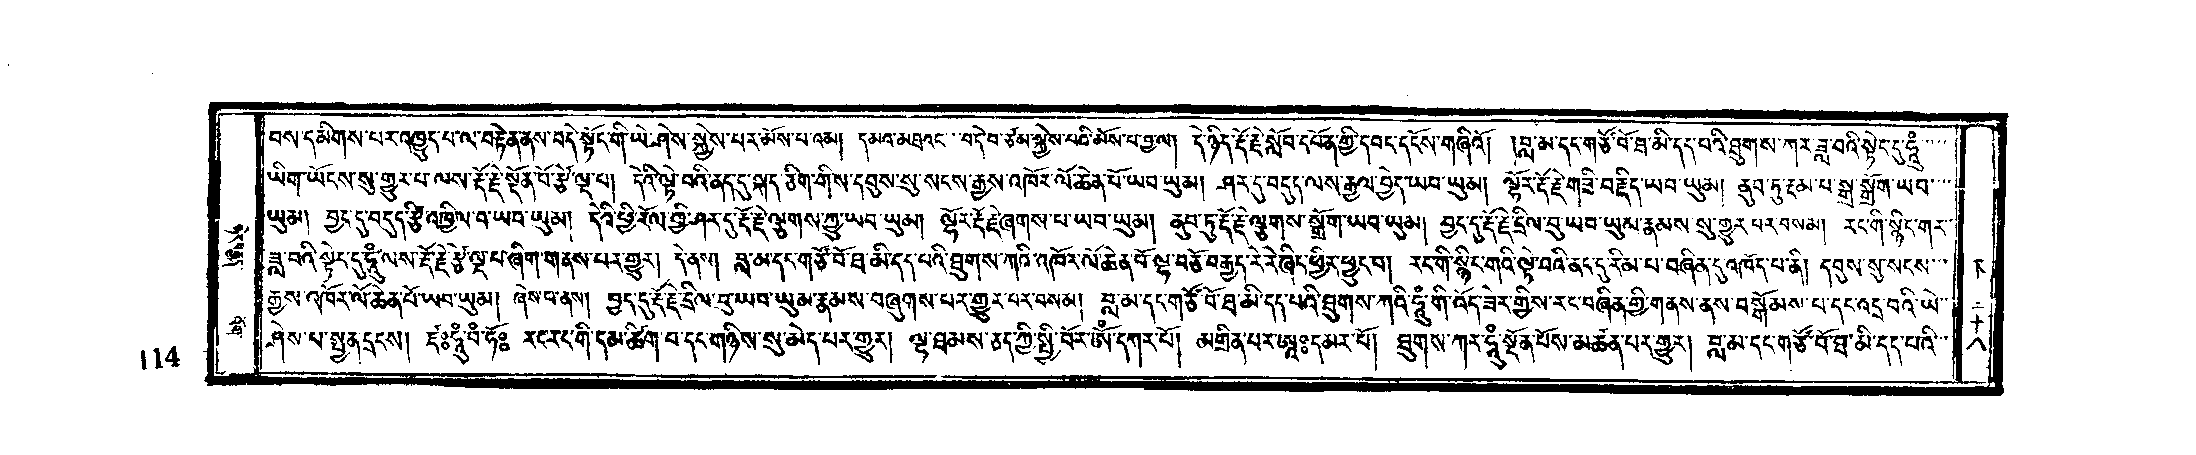བས་དམིགས་པར་འཁྱུད་པ་ལ་བརྟེན་ནས་བདེ་སྟོང་གི་ཡེ་ཤེས་སྐྱེས་པར་མོས་པ་འམ། དམའ་མཐའང་བདེ་བ་ཙམ་སྐྱེས་པའི་མོས་པ་བྱ་ལ། དེ་ཉིད་རྡོ་རྗེ་སློབ་དཔོན་གྱི་དབང་དངོས་གཞིའོ། །བླ་མ་དང་གཙོ་བོ་ཐ་མི་དད་པའི་ཐུགས་ཀར་ཟླ་བའི་སྟེང་དུ་ཧཱུཾ་
ཡིག་ཡོངས་སུ་གྱུར་པ་ལས་རྡོ་རྗེ་སྔོན་པོ་རྩེ་ལྔ་པ། དེའི་ལྟེ་བའི་ནད་དུ་སྐད་ཅིག་གིས་དབུས་སུ་སངས་རྒྱས་འཁོར་ལོ་ཆེན་པོ་ཡབ་ཡུམ། ཤར་དུ་བདུད་ལས་རྒྱལ་བྱེད་ཡབ་ཡུམ། ལྷོར་རྡོ་རྗེ་གཟི་བརྗིད་ཡབ་ཡུམ། ནུབ་ཏུ་རྔམ་པ་སྒྲ་སྒྲོག་ཡབ་
ཡུམ། བྱང་དུ་བདུད་རྩི་འཁྱིལ་བ་ཡབ་ཡུམ། དེའི་ཕྱི་རོལ་གྱི་ཤར་དུ་རྡོ་རྗེ་ལྕགས་ཀྱུ་ཡབ་ཡུམ། ལྷོར་རྡོ་རྗེ་ཞགས་པ་ཡབ་ཡུམ། ནུབ་ཏུ་རྡོ་རྗེ་ལྕགས་སྒྲོག་ཡབ་ཡུམ། བྱང་དུ་རྡོ་རྗེ་དྲིལ་བུ་ཡབ་ཡུམ་རྣམས་སུ་གྱུར་པར་བསམ། རང་གི་སྙིང་གར་
ཟླ་བའི་སྟེང་དུ་ཧཱུཾ་ལས་རྡོ་རྗེ་རྩེ་ལྔ་པ་ཞིག་གནས་པར་གྱུར། དེ་ནས། བླ་མ་དང་གཙོ་བོ་ཐ་མི་དད་པའི་ཐུགས་ཀའི་འཁོར་ལོ་ཆེན་པོ་ལྷ་བཅོ་བརྒྱད་རེ་རེ་ཞིང་ཕྱིར་ཕྱུང་བ། རང་གི་སྙིང་གའི་ལྟེ་བའི་ནང་དུ་རིམ་པ་བཞིན་དུ་འཁོད་པ་ནི། དབུས་སུ་སངས་
རྒྱས་འཁོར་ལོ་ཆེན་པོ་ཡབ་ཡུམ། ཞེས་པ་ནས། བྱང་དུ་རྡོ་རྗེ་དྲིལ་བུ་ཡབ་ཡུམ་རྣམས་བཞུགས་པར་གྱུར་པར་བསམ། བླ་མ་དང་གཙོ་བོ་ཐ་མི་དད་པའི་ཐུགས་ཀའི་ཧཱུཾ་གི་འོད་ཟེར་གྱིས་རང་བཞིན་གྱི་གནས་ནས་བསྒོམས་པ་དང་འདྲ་བའི་ཡེ་
ཤེས་པ་སྤྱན་དྲངས། ཛཿ ཧཱུཾ་བཾ་ཧོཿ རང་རང་གི་དམ་ཚིག་པ་དང་གཉིས་སུ་མེད་པར་གྱུར། ལྷ་ཐམས་ཅད་ཀྱི་སྤྱི་བོར་ཨོཾ་དཀར་པོ། མགྲིན་པར་ཨཱཿ དམར་པོ། ཐུགས་ཀར་ཧཱུཾ་སྔོན་པོས་མཚན་པར་གྱུར། བླ་མ་དང་གཙོ་བོ་ཐ་མི་དད་པའི་